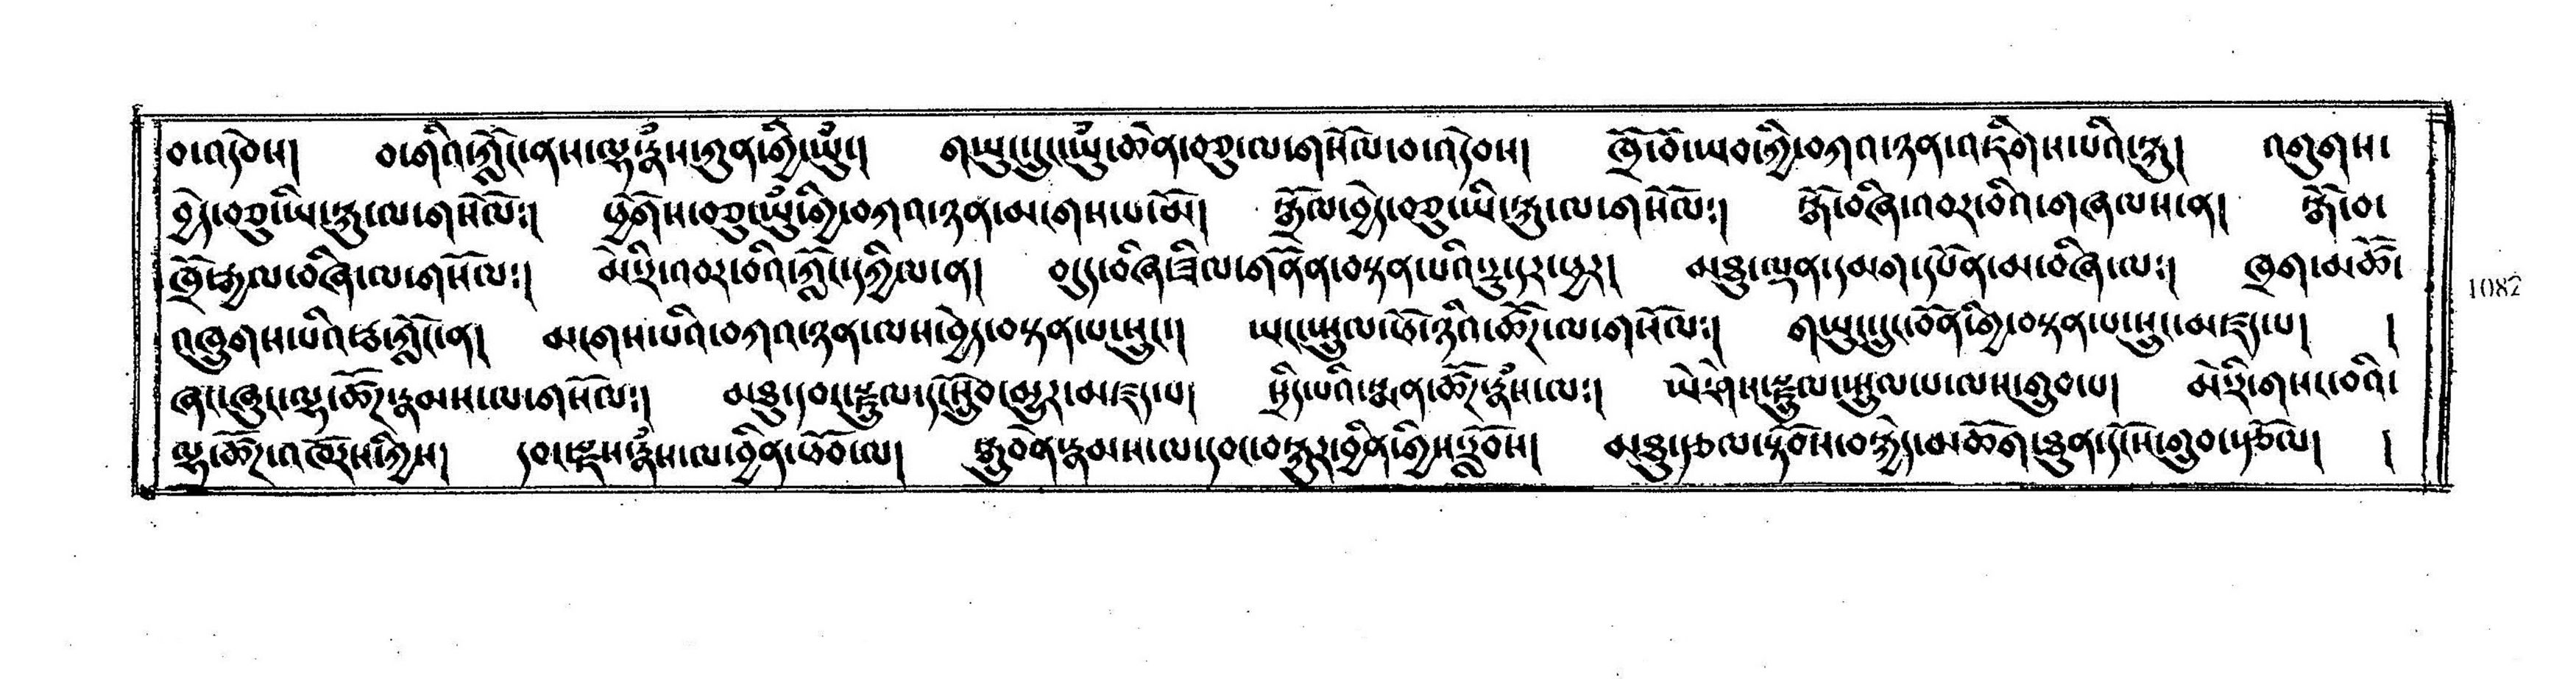བ་འདེབས། བ་གའི་ཀློང་ནས་ལྷ་རྣམས་ཀུན་གྱི་ཡུམ། གཡུང་དྲུང་ཡུམ་ཆེན་བཅུ་ལ་གསོལ་བ་འདེབས། ཁྲོ་བོ་ཡབ་ཀྱི་བཀའ་ཉན་འཇིགས་པའི་སྐུ། འགུགས་
བྱེད་བཅུ་ཡི་སྐུ་ལ་གསོལ༴། ཕྱོགས་བཅུ་ཡུམ་གྱི་བཀའ་ཉན་མངགས་པ་མོ། སྒྲོལ་བྱེད་བཅུ་ཡི་སྐུ་ལ་གསོལ༴། སྒོ་བཞི་འབར་བའི་གཞལ་ཡས་ན། སྒོ་བ་
ཁྲོ་རྒྱལ་བཞི་ལ་གསོལ༴། མེ་རི་འབར་བའི་ཀློང་དཀྱིལ་ན། བདུད་བཞི་ཟིལ་གནོན་བསྟན་པའི་རུ་དར་ཕྱར། མཐུ་ལྡན་དམག་དཔོན་མ་བཞི་ལ༴། ཁྲག་མཚོ་
འཁྲུགས་པའི་རྦ་ཀློང་ན། མངགས་པའི་བཀའ་ཉན་ལས་བྱེད་བསྟན་པ་སྲུང་། ཡང་སྤྲུལ་ཕོ་ཉའི་ཚོགས་ལ་གསོལ༴། གཡུང་དྲུང་བོན་གྱི་བསྟན་པ་སྲུང་མཛད་པ། །
ཞང་ཞུང་ལྷ་ཚོགས་རྣམས་ལ་གསོལ༴། མཐུ་དབང་རྫུ་འཕྲུལ་དངོས་གྲུབ་མྱུར་མཛད་པ། སྲིད་པའི་སྨན་ཚོགས་རྣམས་ལ༴། ཡེ་ཤེས་རྫུ་འཕྲུལ་སྤྲུལ་པ་ལས་གྲུབ་པ། མེ་རི་གསང་བའི་
ལྷ་ཚོགས་འཁོར་བཅས་ཀྱིས། དབང་རྫས་རྣམས་ལ་བྱིན་ཕོབ་ལ། སྒྲུབ་གཤེན་རྣམས་ལ་དབང་བསྐུར་བྱིན་གྱིས་རློབས། མཐུ་རྩལ་སྟོབས་བསྐྱེད་མཆོག་ཐུན་དངོས་གྲུབ་སྩོལ།